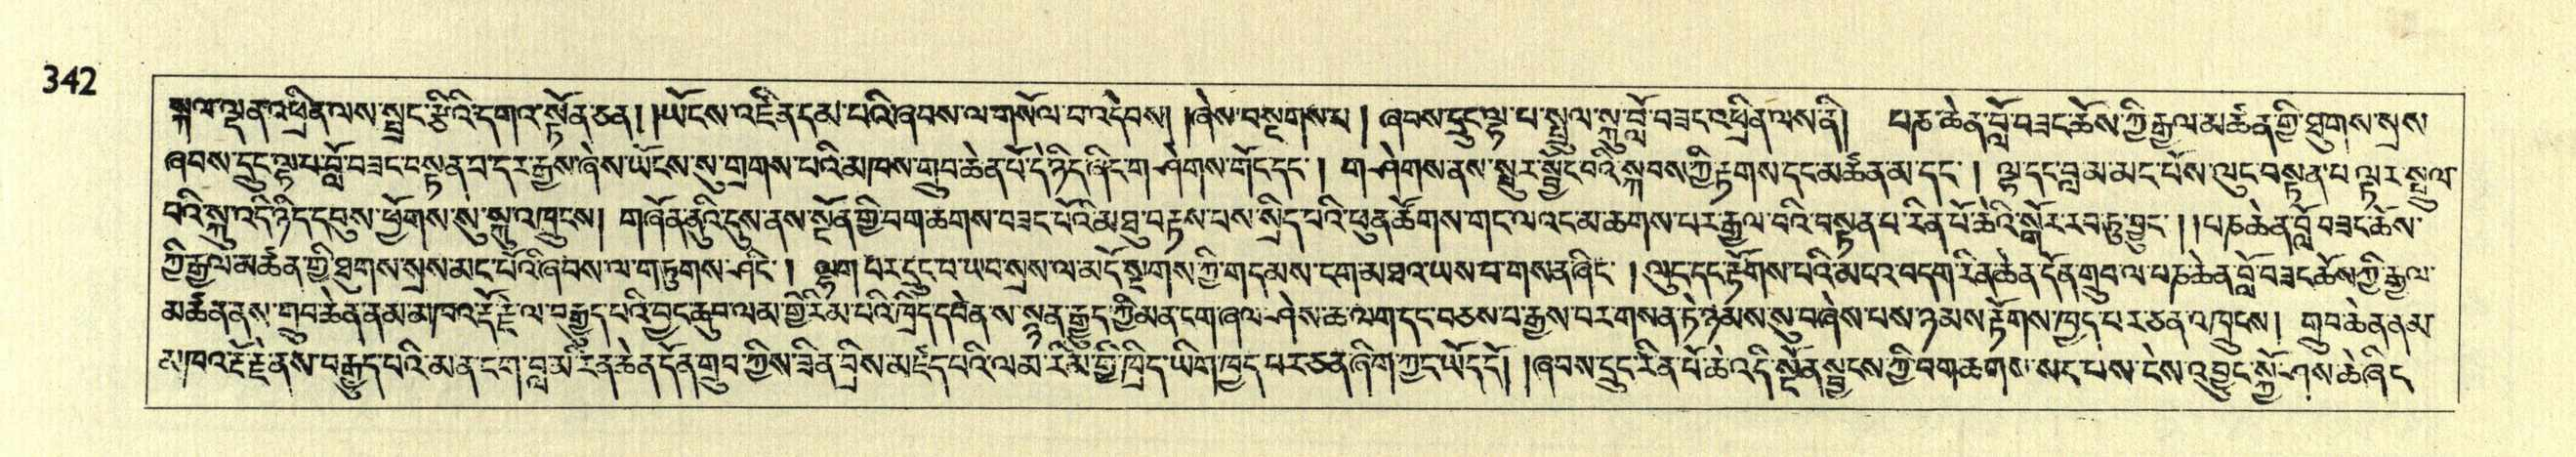སྐལ་ལྡན་འཕྲིན་ལས་སྤྲང་རྩིའི་དགའ་སྟོན་ཅན། །ཡོངས་འཛིན་དམ་པའི་ཞབས་ལ་གསོལ་བ་འདེབས། །ཞེས་བསྔགས་པ། ཞབས་དྲུང་ལྷ་པ་སྤྲུལ་སྐུ་བློ་བཟང་འཕྲིན་ལས་ནི། པཎ་ཆེན་བློ་བཟང་ཆོས་ཀྱི་རྒྱལ་མཚན་གྱི་ཐུགས་སྲས་
ཞབས་དྲུང་ལྷ་པ་བློ་བཟང་བསྟན་པ་དར་རྒྱས་ཞེས་ཡོངས་སུ་གྲགས་པའི་མཁས་གྲུབ་ཆེན་པོ་དེ་ཉིད་ཞིང་གཤེགས་གོང་དང་། གཤེགས་ནས་སྤུར་སྦྱོང་བའི་སྐབས་ཀྱི་རྟགས་དང་མཚན་མ་དང་། ལྷ་དང་བླ་མ་མང་པོས་ལུང་བསྟན་པ་ལྟར་སྤྲུལ་
བའི་སྐུ་འདི་ཉིད་དབུས་ཕྱོགས་སུ་སྐུ་འཁྲུངས། གཞོན་ནུའི་དུས་ནས་སྔོན་གྱི་བག་ཆགས་བཟང་པོའི་མཐུ་བརྟས་པས་སྲིད་པའི་ཕུན་ཚོགས་གང་ལའང་མ་ཆགས་པར་རྒྱལ་བའི་བསྟན་པ་རིན་པོ་ཆེའི་སྒོར་རབ་ཏུ་བྱུང་། །པཎ་ཆེན་བློ་བཟང་ཆོས་
ཀྱི་རྒྱལ་མཚན་གྱི་ཐུགས་སྲས་མང་པོའི་ཞབས་ལ་གཏུགས་ཤིང་། ལྷག་པར་དྲུང་བ་ཡབ་སྲས་ལ་མདོ་སྔགས་ཀྱི་གདམས་ངག་མཐའ་ཡས་པ་གསན་ཞིང་།ལུང་དང་རྟོགས་པའི་མངའ་བདག་རིན་ཆེན་དོན་གྲུབ་ལ་པཎ་ཆེན་བློ་བཟང་ཆོས་ཀྱི་རྒྱལ་
མཚན་ནས་གྲུབ་ཆེན་ནམ་མཁའ་རྡོ་རྗེ་ལ་བརྒྱུད་པའི་བྱང་ཆུབ་ལམ་གྱི་རིམ་པའི་ཁྲིད་དབེན་ས་སྙན་རྒྱུད་ཀྱི་མན་ངག་ཞལ་ཤེས་ཆ་ལག་དང་བཅས་པ་རྒྱས་པར་གསན་ཏེ་ཉམས་སུ་བཞེས་པས་ཉམས་རྟོགས་ཁྱད་པར་ཅན་འཁྲུངས། གྲུབ་ཆེན་ནམ་
མཁའ་རྡོ་རྗེ་ནས་བརྒྱུད་པའི་མན་ངག་བླ་མ་རིན་ཆེན་དོན་གྲུབ་ཀྱིས་ཟིན་བྲིས་མཛད་པའི་ལམ་རིམ་གྱི་ཁྲིད་ཡིག་ཁྱད་པར་ཅན་ཞིག་ཀྱང་ཡོད་དོ། །ཞབས་དྲུང་རིན་པོ་ཆེ་འདི་སྔོན་སྦྱངས་ཀྱི་བག་ཆགས་སང་པས་ངེས་འབྱུང་སྐྱོ་ཤས་ཆེ་ཞིང་